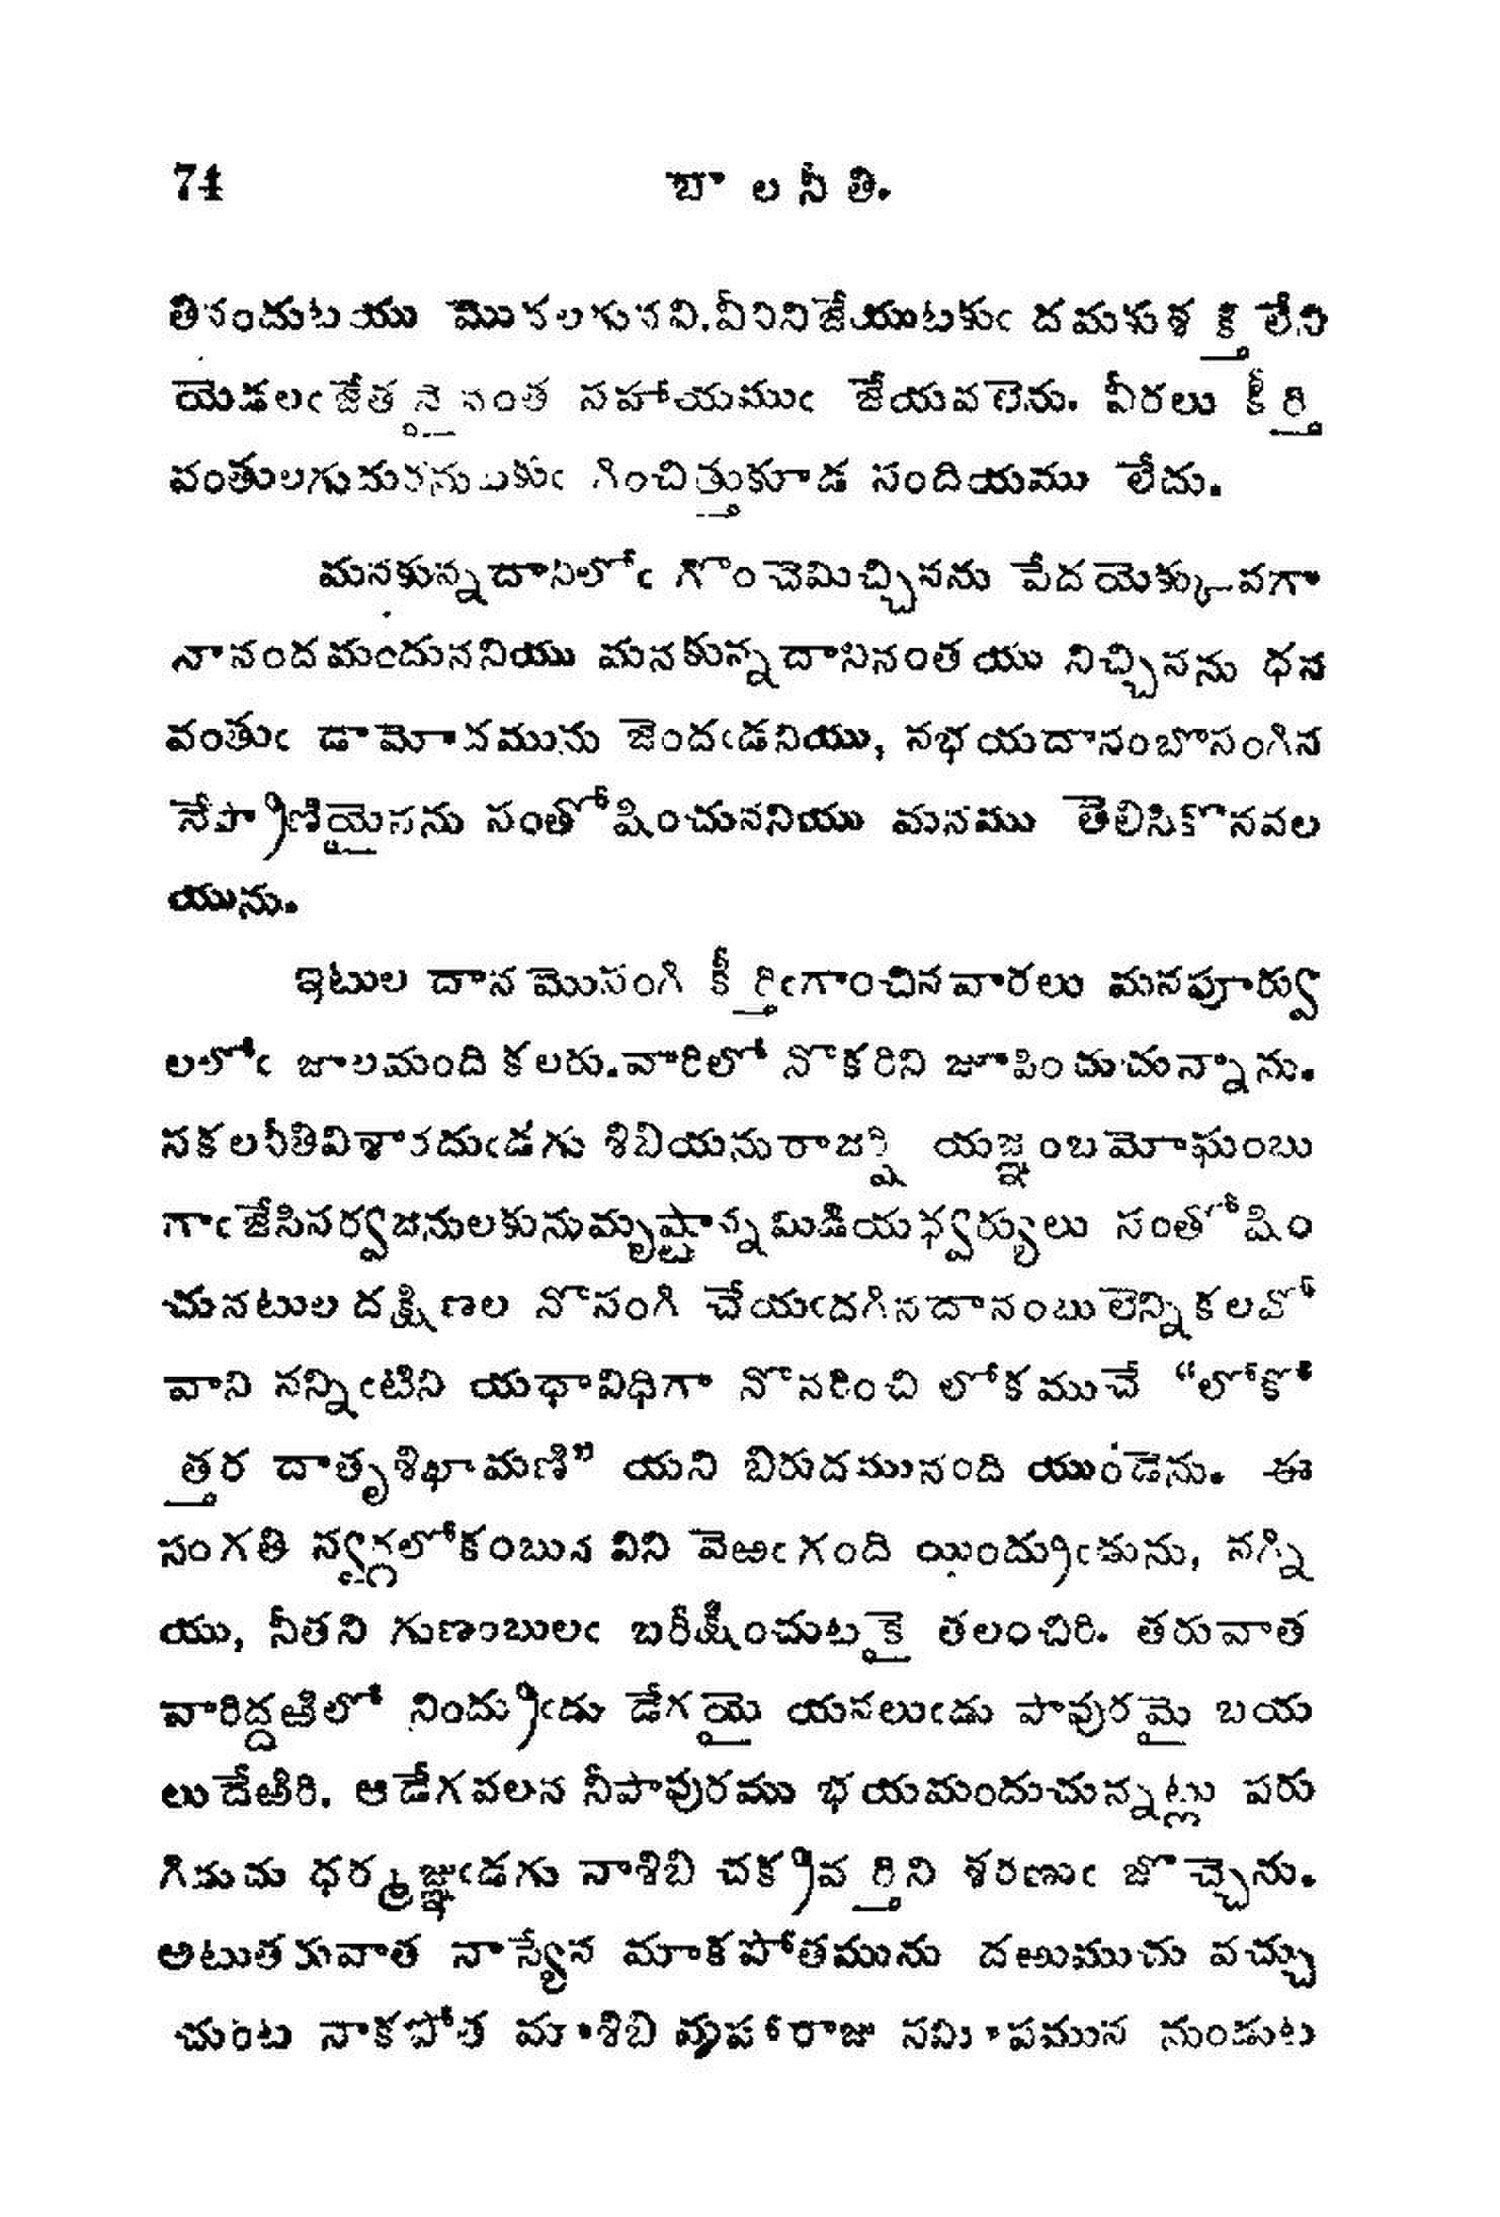తినందుటయు మొదలగునవి, వీనినిజేయుటకుఁ దమకుశక్తిలేని
యెడలఁ జేతనైనంత సహాయముఁ జేయవలెను. వీరలు కీర్తి
వంతులగుదురనుటకుఁ కించిత్తుకూడ సందియము లేదు.

మనకున్నదానిలోఁ గొంచెమిచ్చినను పేదయెక్కువగా 
నానందమందుననియు మనకున్నదానినంతయు నిచ్చినను ధన
వంతుఁ డామోదమును జెందఁడనియు, నభయదానంబొసంగిన 
నేప్రాణియైనను సంతోషించుననియు మనము తెలిసికొనవల
యును.

ఇటుల దానమొసంగి కీర్తిఁగాంచినవారలు మనపూర్వు
లలోఁ జాలమంది కలరు. వారిలో నొకరిని జూపించుచున్నాను. 
సకలనీతివిశారదుఁడగు శిబియనురాజర్షి యజ్ఞంబమోఘంబు
గాఁ జేసిసర్వజనులకునుమృష్టాన్నమిడియధ్వర్వులు సంతోషిం
చునటుల దక్షిణల నొసంగి చేయఁదగినదానంబులెన్నికలవో 
వాని నన్నిఁటిని యధావిధిగా నొనరించి లోకముచే "లోకో
త్తర దాతృశిఖామణి" యని బిరుదమునంది యుండెను. ఈ 
సంగతి స్వర్గలోకంబున విని వెఱఁగంది యింద్రుఁడును, నగ్ని
యు, నీతని గుణంబులఁ బరీక్షించుటకై తలంచిరి. తరువాత 
వారిద్దఱిలోనింద్రుఁడు డేగయై యనలుఁడు పావురమై బయ
లుదేఱిరి. ఆడేగవలన నీపావురము భయమొందుచున్నట్లు పరు
గిడుచు ధర్మజ్ఞుఁడగు నాశిబి చక్రవర్తిని శరణుఁ జొచ్చెను. 
అటుతరువాత నాస్యేన మాకపోతమును దఱుముచు వచ్చు
చుంట నాకపోత మాశిబి మహారాజు సమీపమున నుండుట